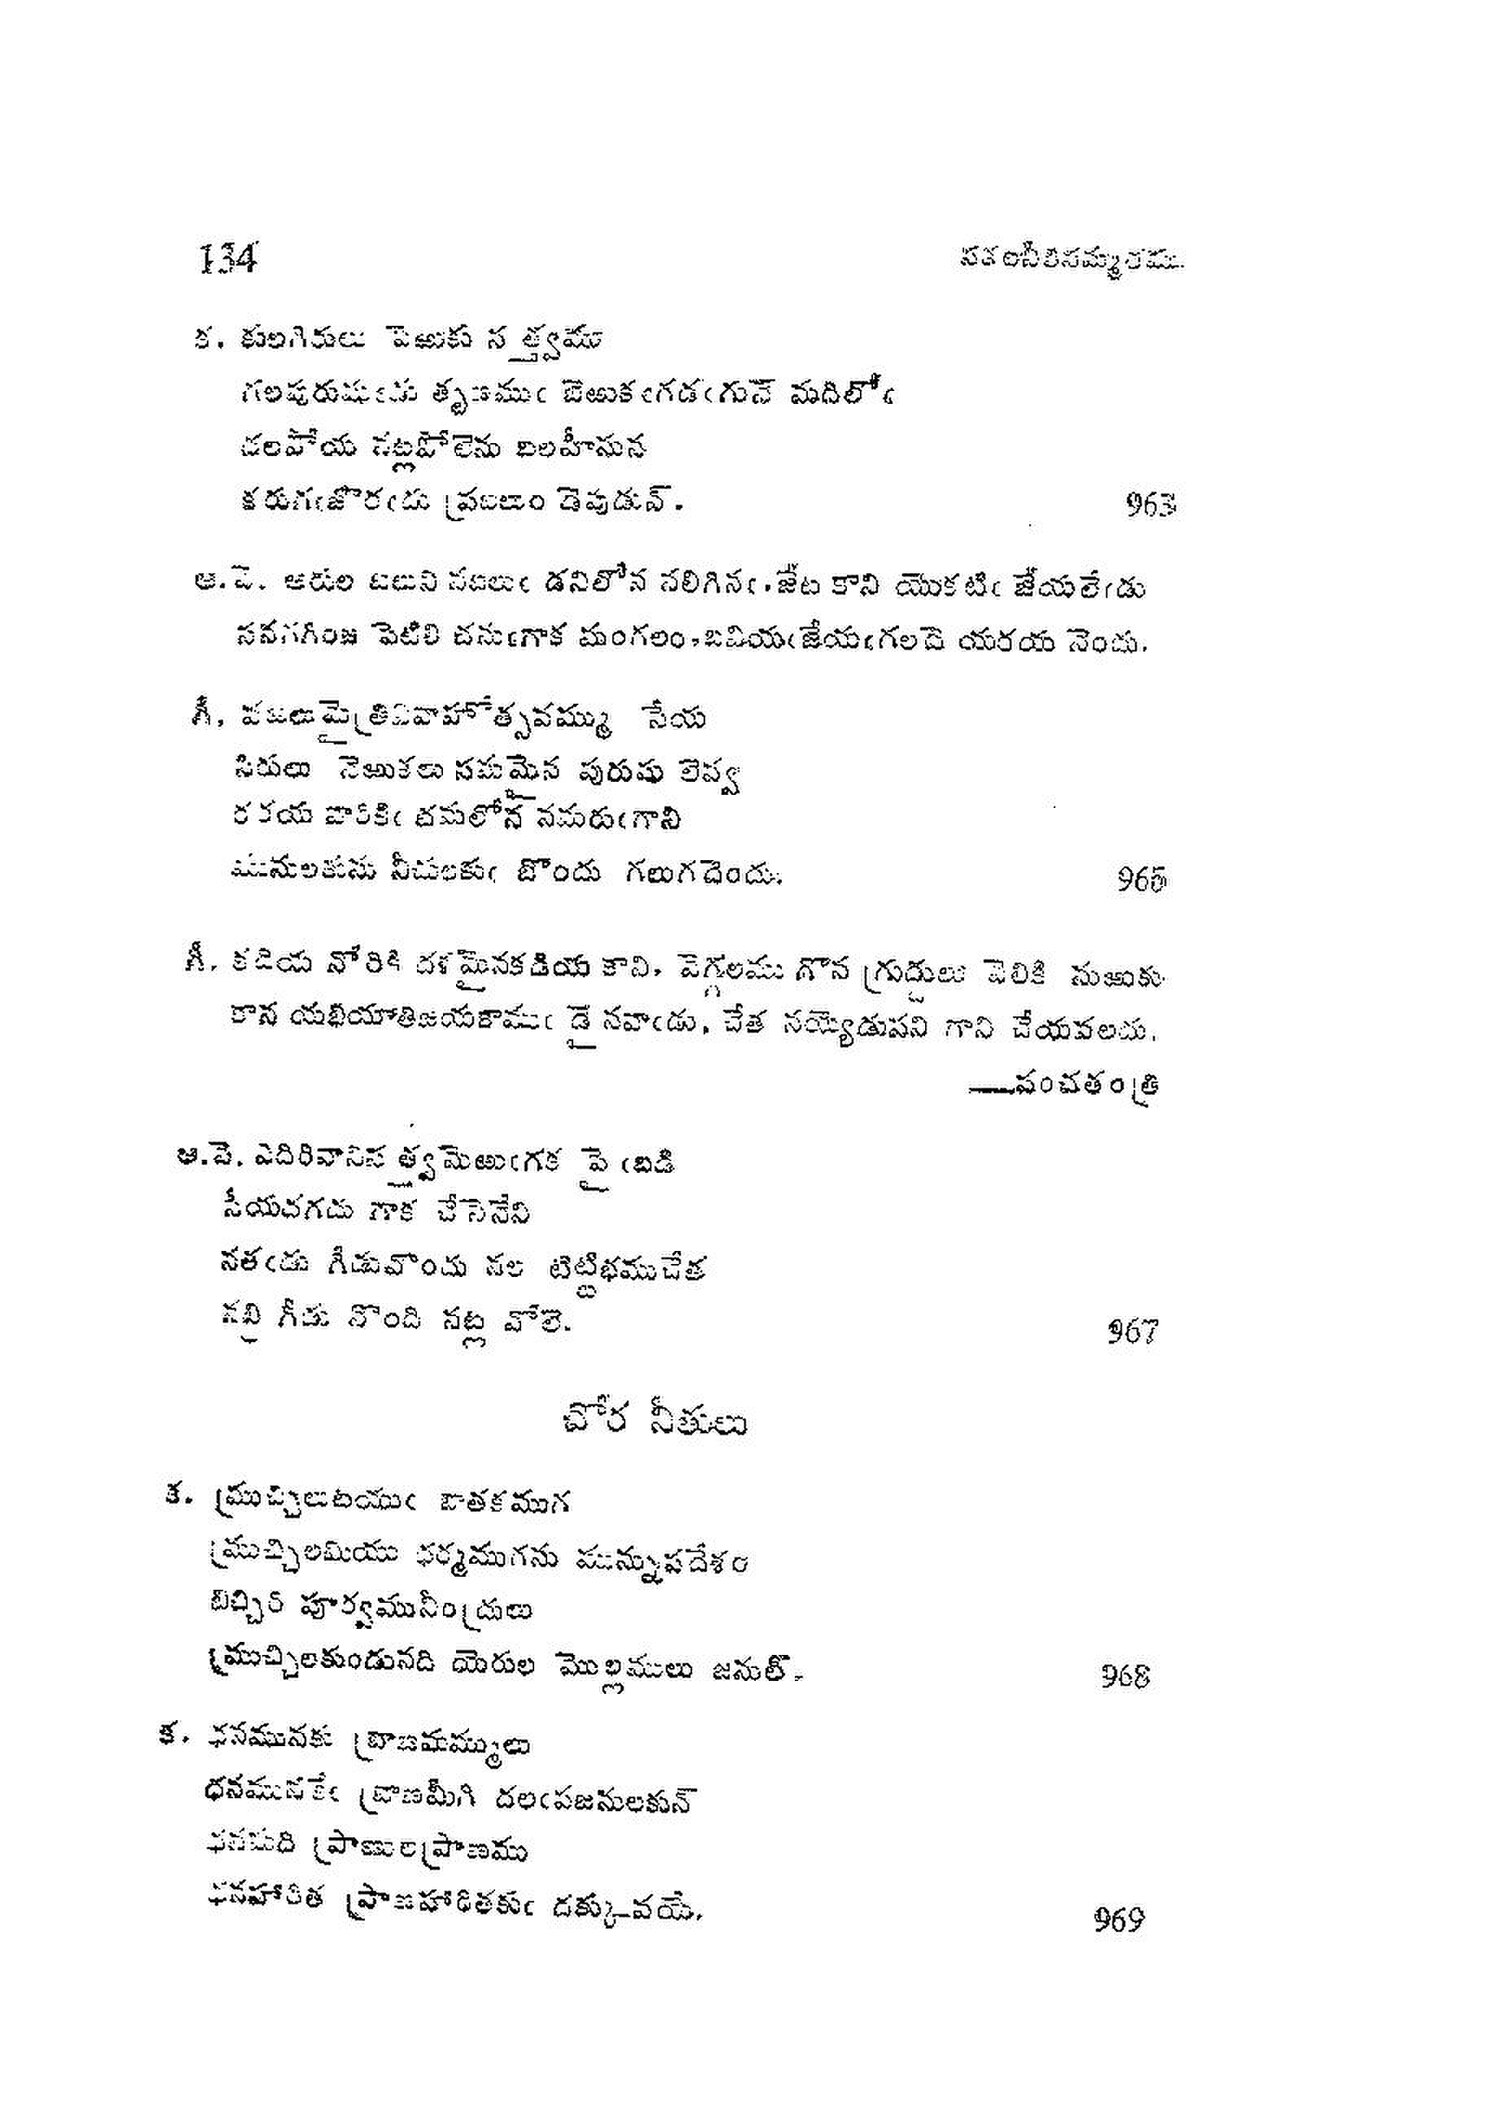క. కులగిరులు పెఱుకు సత్త్వము
గల పురుషుఁడు తృణముఁ బెఱుకఁగడఁగునె మదిలోఁ
దలపోయ నట్లపోలెను బలహీనున
కరుగఁజొరఁడు ప్రబలుం డెపుడున్. 963

ఆ. అరుల బలుని నబలుఁ డనిలోన నలిగినఁ
జేట కాని యొకటిఁ జేయలేఁడు
సనగగింజ పెటిలి చనుఁగాక మంగలం
బనియఁ జేయఁగలదె యరయ నెందు. 964

గీ. వఱలుమైత్రివివాహోత్సవమ్ము సేయ
సిరులు నెఱుకలు సమమైన పురుషు లెవ్వ
రరయ వారికిఁ దమలోన నమరుఁగాని
మునులకును నీచులకుఁ బొందు గలుగదెందు. 965

గీ. కదియ నోరికి దళమైన కడియ కాని
వెగ్గలము గొన గ్రుడ్డులు వెలికి నుఱుకు
కాన యభియాతిజయకాముఁ డైనవాఁడు
చేత నయ్యెడుపని గాని చేయవలదు. 966

ఆ. ఎదిరివాని సత్త్వ మెఱుఁగక పైఁబడి
సీయదగదు గాక చేసెనేని
నతఁడు గీడువొందు నల టిట్టిభముచేత
నబ్ధి గీడు వొంది నట్ల వోలె. 967

క. మ్రుచ్చిలుటయుఁ బాతకముగ
మ్రుచ్చిలమియు ధర్మముగను మున్నుపదేశం
బిచ్చిరి పూర్వమునీంద్రులు
మ్రుచ్చిలకుండునది యెరుల మొల్లములు జనుల్. 968

క. ధనమునకు బ్రాణమమ్ములు
ధనమునకేఁ బ్రాణ మీగి దలఁప జనులకున్
ధనమది ప్రాణుల ప్రాణము
ధరహారిత ప్రాణహారితకుఁ దక్కువయే. 969